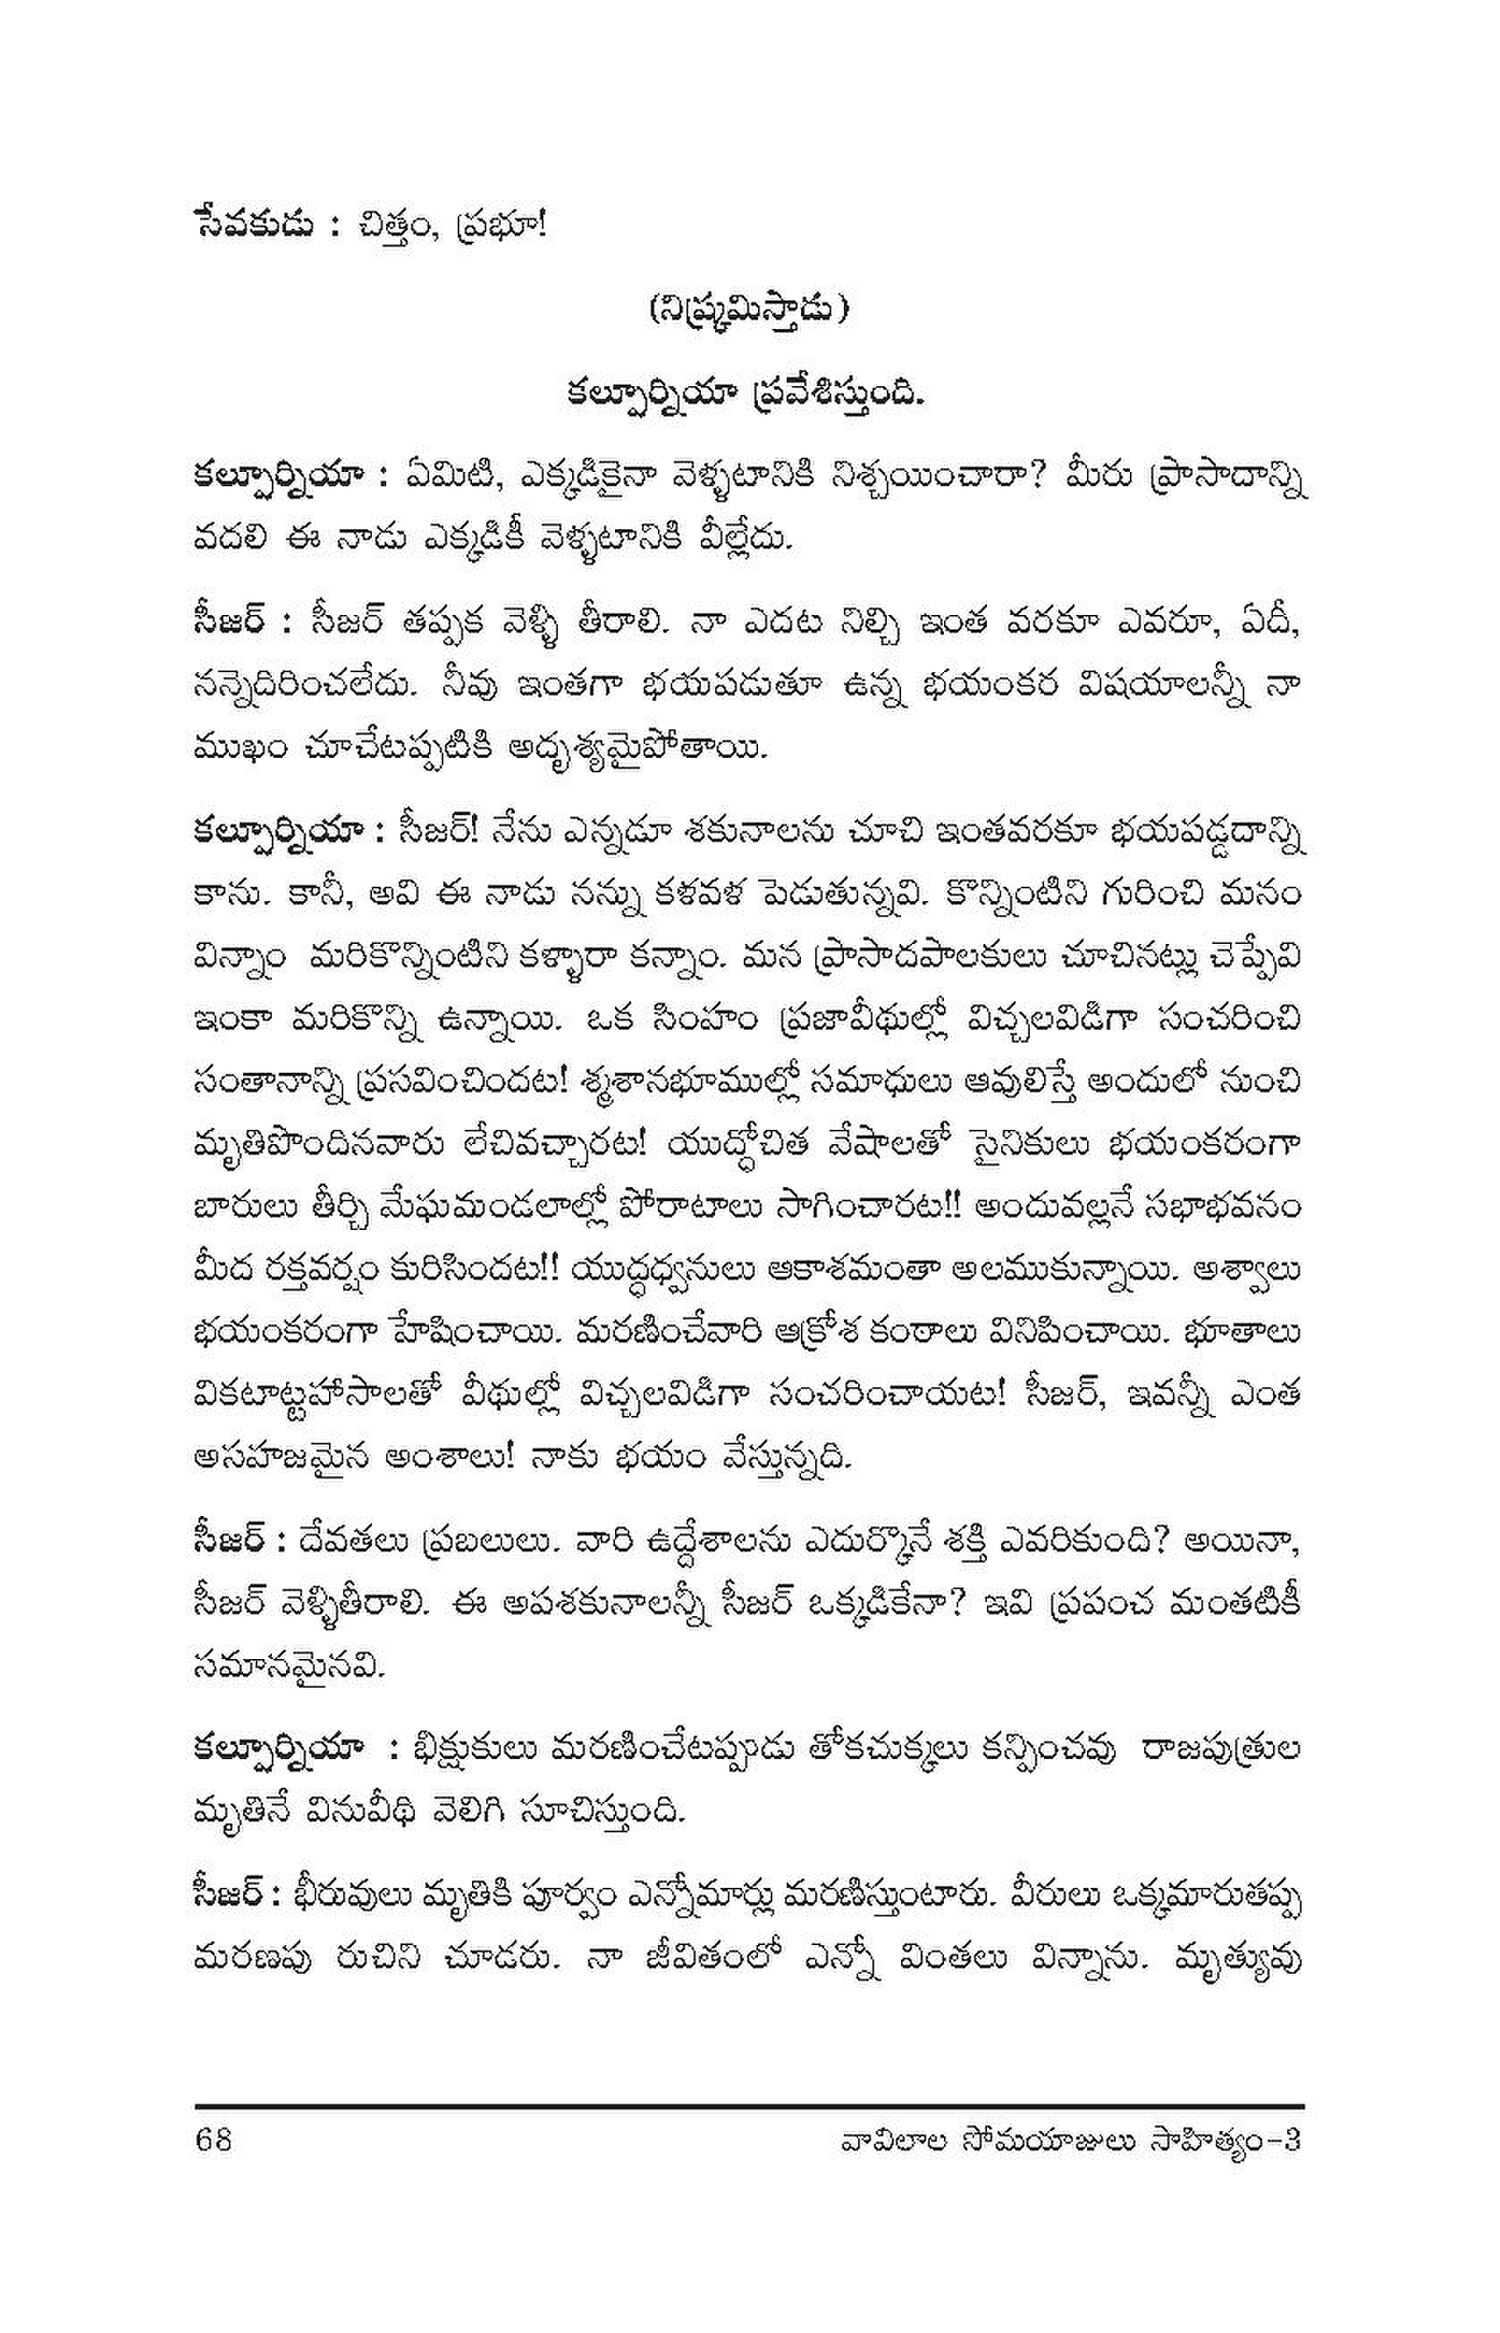సేవకుడు : చిత్తం, ప్రభూ!

కల్పూర్నియా : ఏమిటి, ఎక్కడికైనా వెళ్ళటానికి నిశ్చయించారా? మీరు ప్రాసాదాన్ని వదలి ఈ నాడు ఎక్కడికీ వెళ్ళటానికి వీల్లేదు.

సీజర్ : సీజర్ తప్పక వెళ్ళి తీరాలి. నా ఎదుట నిల్చి ఇంత వరకూ ఎవరూ, ఏదీ, నన్నెదిరించలేదు. నీవు ఇంతగా భయపడుతూ ఉన్న భయంకర విషయాలన్నీ నా ముఖం చూచేటప్పటికి అదృశ్యమైపోతాయి.

కల్పూర్నియా : సీజర్! నేను ఎన్నడూ శకునాలను చూచి ఇంతవరకూ భయపడ్డదాన్ని కాను. కానీ, అవి ఈ నాడు నన్ను కళవళ పెడుతున్నవి. కొన్నింటిని గురించి మనం విన్నాం మరికొన్నింటిని కళ్ళారా కన్నాం. మన ప్రాసాదపాలకులు చూచినట్లు చెప్పేవి ఇంకా మరికొన్ని ఉన్నాయి. ఒక సింహం ప్రజావీథుల్లో విచ్చలవిడిగా సంచరించి సంతానాన్ని ప్రసవించిందట! శ్మశానభూముల్లో సమాధులు ఆవులిస్తే అందులో నుంచి మృతిపొందినవారు లేచివచ్చారట! యుద్ధోచిత వేషాలతో సైనికులు భయంకరంగా బారులు తీర్చి మేఘమండలాల్లో పోరాటాలు సాగించారట!! అందువల్లనే సభాభవనం
మీద రక్తవర్షం కురిసిందట!! యుద్ధధ్వనులు ఆకాశమంతా అలముకున్నాయి. అశ్వాలు భయంకరంగా హేషించాయి. మరణించేవారి ఆక్రోశ కంఠాలు వినిపించాయి. భూతాలు వికటాట్టహాసాలతో వీథుల్లో విచ్చలవిడిగా సంచరించాయట! సీజర్, ఇవన్నీ ఎంత అసహజమైన అంశాలు! నాకు భయం వేస్తున్నది.

సీజర్ : దేవతలు ప్రబలులు. వారి ఉద్దేశాలను ఎదుర్కొనే శక్తి ఎవరికుంది? అయినా, సీజర్ వెళ్ళితీరాలి. ఈ అపశకునాలన్నీ సీజర్ ఒక్కడికేనా? ఇవి ప్రపంచ మంతటికీ సమానమైనవి.

కల్పూర్నియా : భిక్షుకులు మరణించేటప్పుడు తోకచుక్కలు కన్పించవు రాజపుత్రుల మృతినే వినువీథి వెలిగి సూచిస్తుంది.

సీజర్ : భీరువులు మృతికి పూర్వం ఎన్నోమార్లు మరణిస్తుంటారు. వీరులు ఒక్కమారుతప్ప మరణపు రుచిని చూడరు. నా జీవితంలో ఎన్నో వింతలు విన్నాను. మృత్యువు